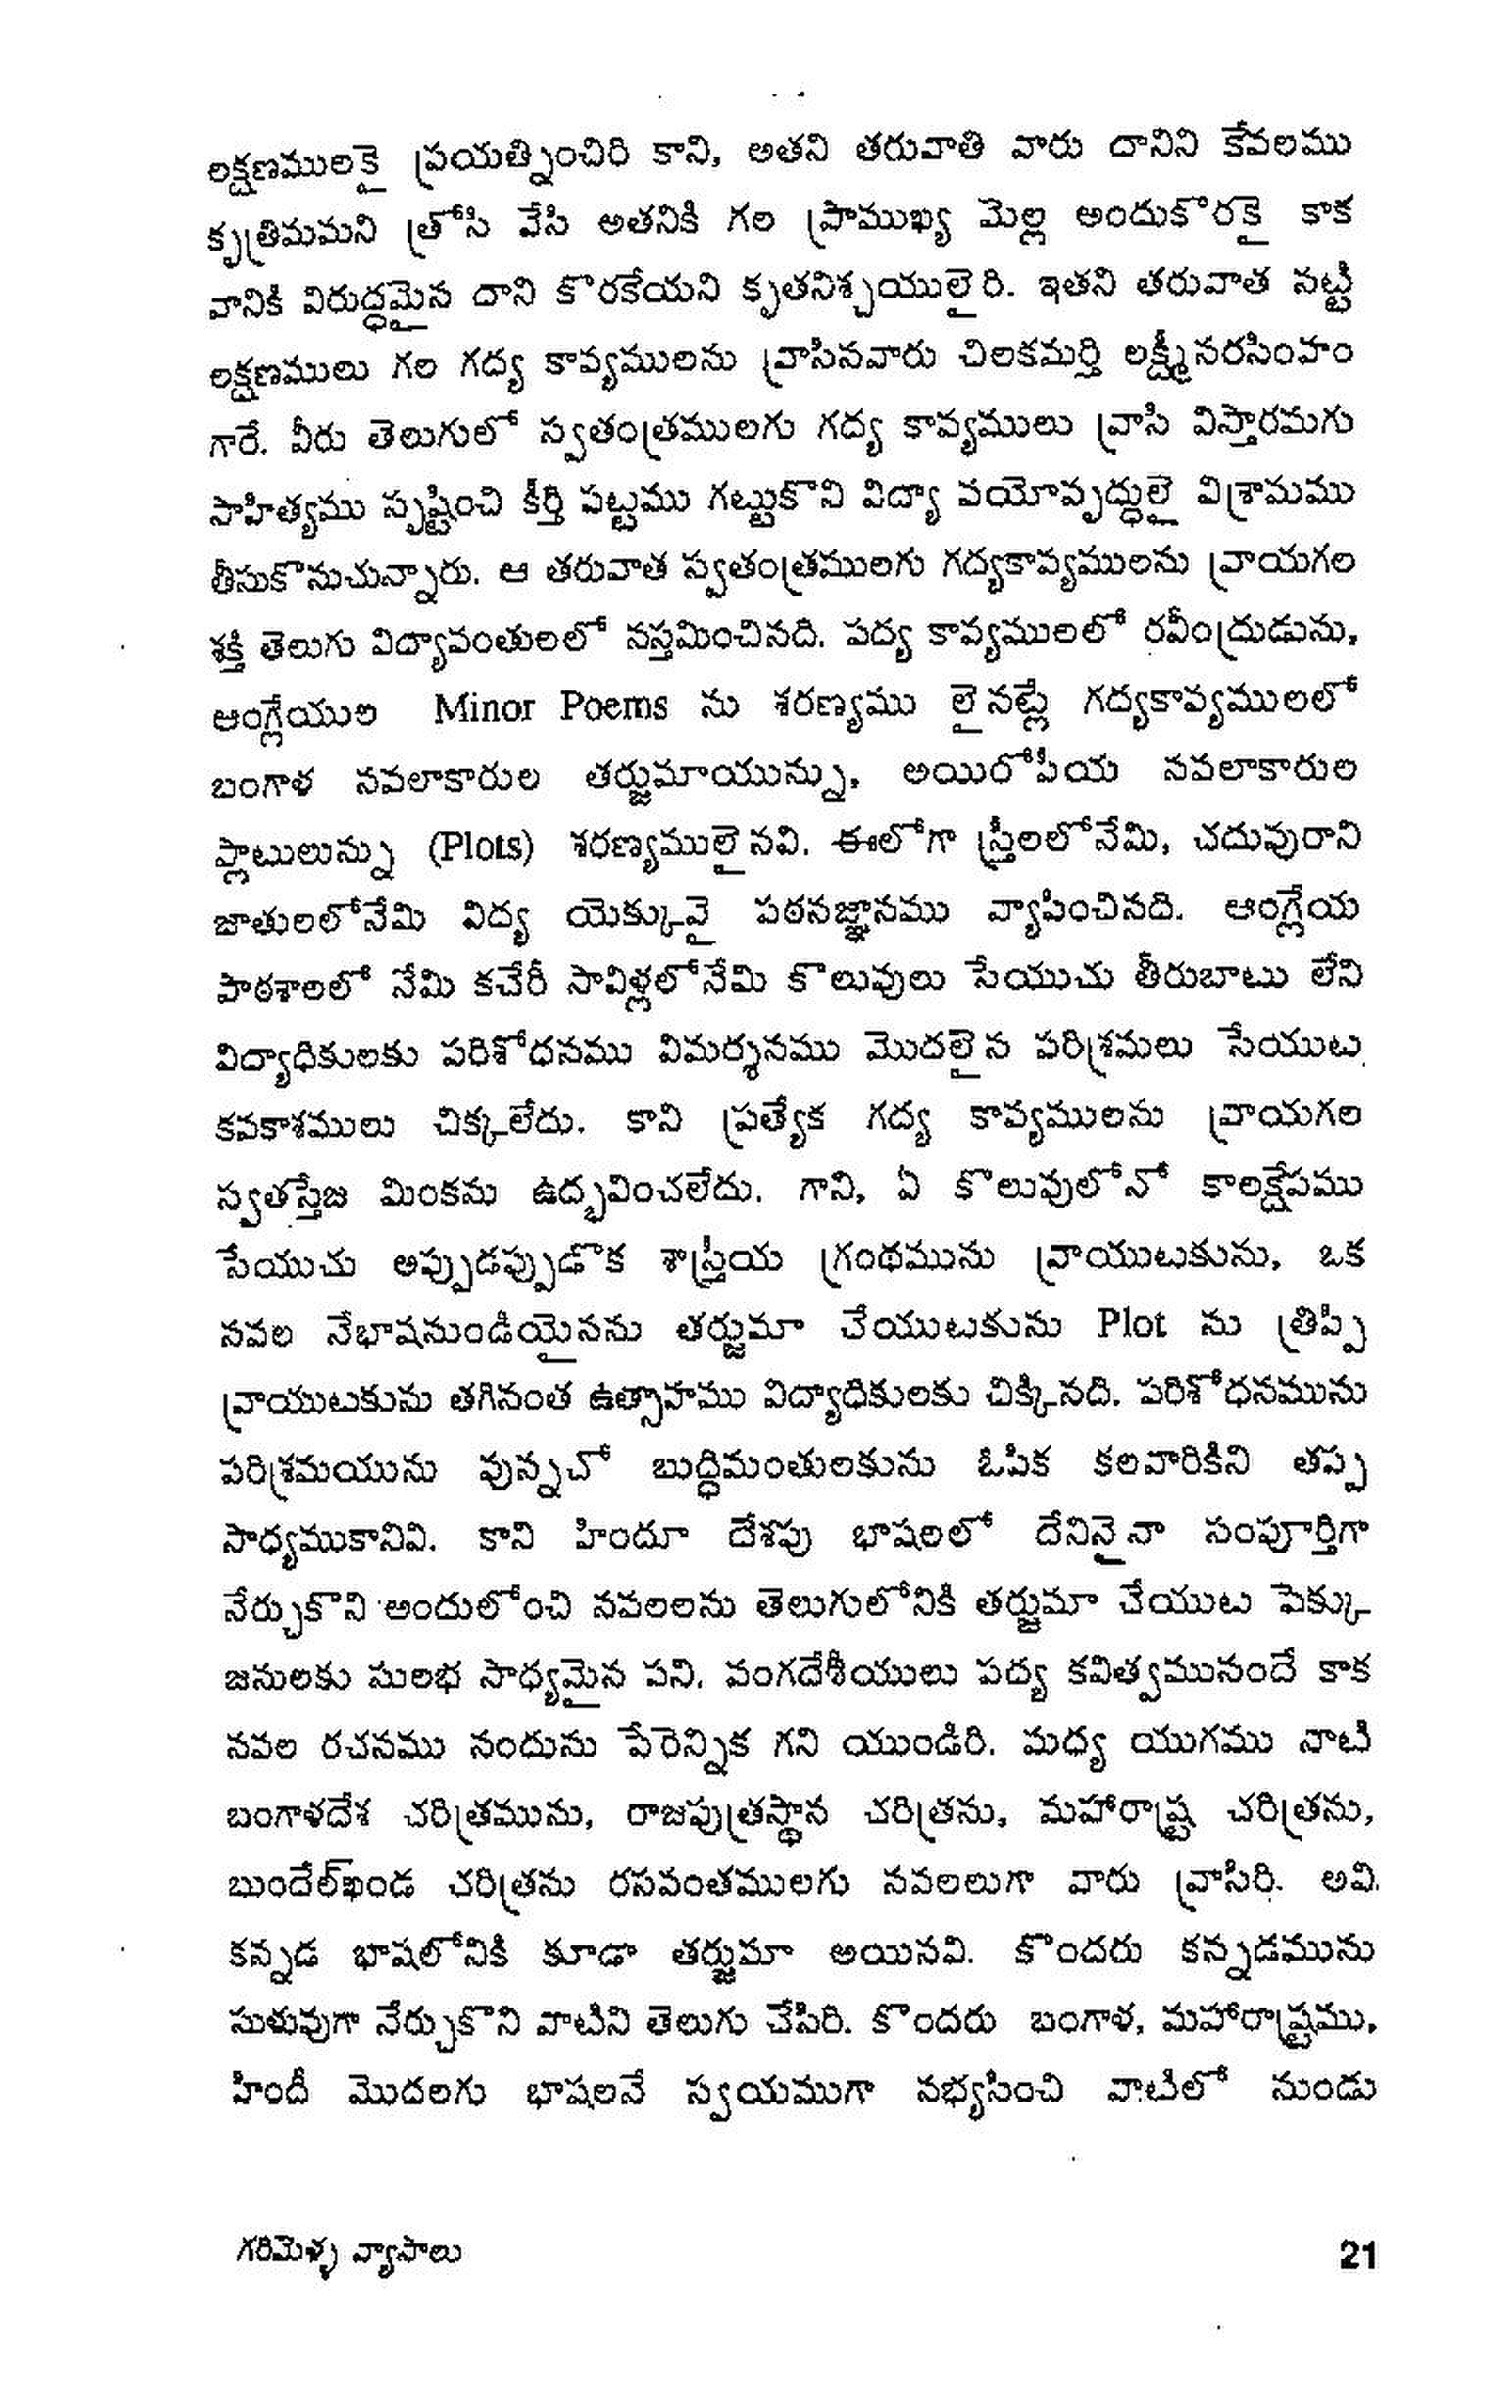లక్షణములకై ప్రయత్నించిరి కాని, అతని తరువాతి వారు దానిని కేవలము కృత్రిమమని త్రోసి వేసి అతనికి గల ప్రాముఖ్య మెల్ల అందుకొరకై కాక వానికి విరుద్ధమైన దాని కొరకేయని కృతనిశ్చయులైరి. ఇతని తరువాత నట్టి లక్షణములు గల గద్య కావ్యములను వ్రాసినవారు చిలకమర్తి లక్ష్మీనరసింహంగారే. వీరు తెలుగులో స్వతంత్రములగు గద్య కావ్యములు వ్రాసి విస్తారమగు సాహిత్యము సృష్టించి కీర్తి పట్టము గట్టుకొని విద్యా వయోవృద్ధులై విశ్రామము తీసుకొనుచున్నారు. ఆ తరువాత స్వతంత్రములగు గద్యకావ్యములను వ్రాయగల శక్తి తెలుగు విద్యావంతులలో నస్తమించినది. పద్య కావ్యములలో రవీంద్రుడును, ఆంగ్లేయుల Minor Poems ను శరణ్యము లైనట్లే గద్యకావ్యములలో బంగాళ నవలాకారుల తర్జుమాయున్ను, అయిరోపియ నవలాకారుల ప్లాటులున్ను (plots) శరణ్యములైనవి. ఈ లోగా స్త్రీలలోనేమి, చదువురాని జాతులలోనేమి విద్య యెక్కువై పఠనజ్ఞానము వ్యాపించినది. ఆంగ్లేయ పాఠశాలలో నేమి కచేరీ సావిళ్లలోనేమి కొలువులు సేయుచు తీరుబాటు లేని విద్యాధికులకు పరిశోదనము విమర్శనము మొదలైన పరిశ్రమలు సేయుట కవకాశములు చిక్కలేదు. కాని ప్రత్యేక గద్య కావ్యములను వ్రాయగల స్వతస్తేజ మింకను ఉద్భవించలేదు. గాని, ఏకొలువులోనో కాలక్షేపము సేయుచు అప్పుడప్పుడొక శాస్త్రీయ గ్రంథమును వ్రాయుటకును, ఒక నవల నేభాషనుండియైనను తర్జుమా చేయుటకును plot ను త్రిప్పి వ్రాయుటకును తగినంత ఉత్సాహము విద్యాధికులకు చిక్కినది. పరిశోధనమును పరిశ్రమయును వున్నచో బుద్దిమంతులకును ఓపిక కలవారికిని తప్ప సాధ్యముకానివి. కాని హిందూ దేశపు భాషలలో దేనినైనా సంపూర్తిగా నేర్చుకొని అందులోంచి నవలలను తెలుగులోనికి తర్జుమా చేయుట పెక్కు జనులకు సులభ సాధ్యమైన పని. వంగదేశీయులు పద్య కవిత్వమునందే కాక నవల రచనము నందును పేరెన్నిక గని యుండిరి. మధ్య యుగము నాటి బంగాళదేశ చరిత్రమును, రాజపుత్రస్థాన చరిత్రను, మహారాష్ట్ర చరిత్రను, బుందేల్‌ఖండ చరిత్రను రసవంతములగు నవలలుగా వారు వ్రాసిరి. అవి కన్నడ భాషలోనికి కూడా తర్జుమా అయినవి. కొందరు కన్నడమును సుళువుగా నేర్చుకొని వాటిని తెలుగు చేసిరి. కొందరు బంగాళ, మహారాష్ట్రము, హిందీ మొదలగు భాషలనే స్వయముగా నభ్యసించి వాటిలో నుండు